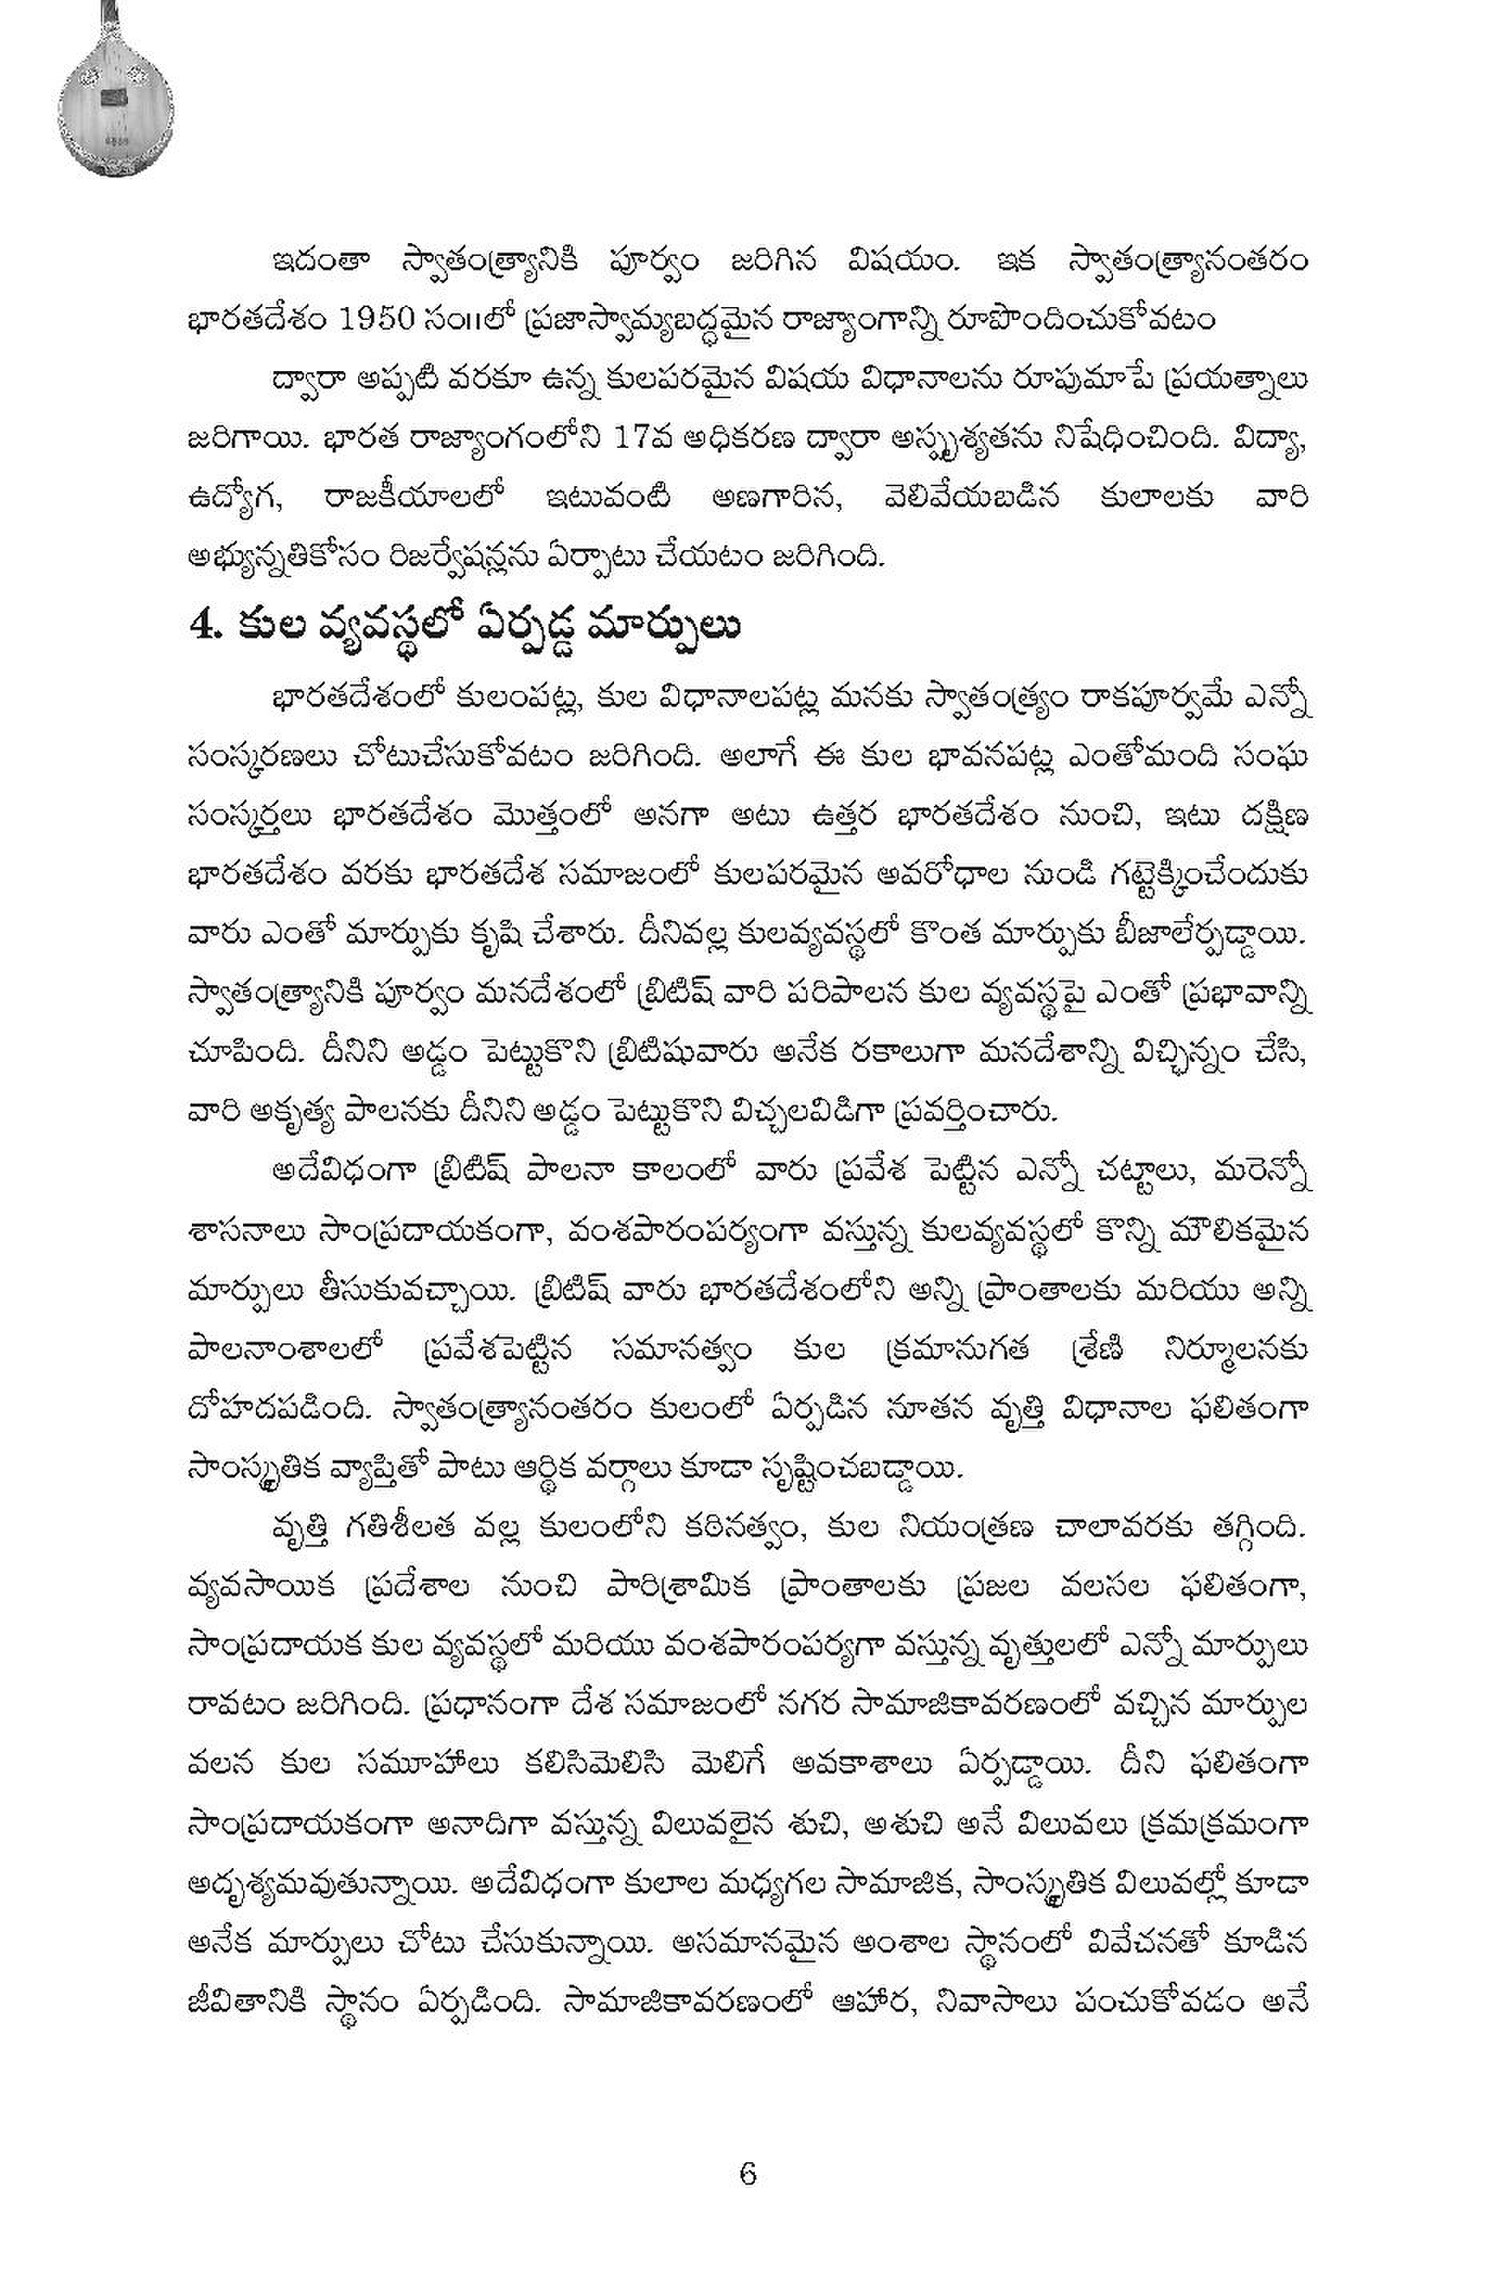ఇదంతా స్వాతంత్య్రానికి పూర్వం జరిగిన విషయం. ఇక స్వాతంత్య్రానంతరం భారతదేశం 1950 సం౹౹లో ప్రజాస్వామ్య బద్ధమైన రాజ్యాంగాన్ని రూపొందించుకోవటం ద్వారా అప్పటి వరకూ ఉన్న కులపరమైన విషయ విధానాలను రూపుమాపే ప్రయత్నాలు జరిగాయి. భారత రాజ్యాంగంలోని 17వ అధికరణ ద్వారా అస్పృశ్యతను నిషేధించింది. విద్యా, ఉద్యోగ, రాజకీయాలలో ఇటువంటి అణగారిన, వెలివేయబడిన కులాలకు వారి అభ్యున్నతి కోసం రిజర్వేషన్లను ఏర్పాటు చేయటం జరిగింది.

4. కుల వ్యవస్థలో ఏర్పడ్డ మార్పులు 

భారతదేశంలో కులంపట్ల, కుల విధానాలపట్ల మనకు స్వాతంత్ర్యం రాకపూర్వమే ఎన్నో సంస్కరణలు చోటుచేసుకోవటం జరిగింది. అలాగే ఈ కుల భావనపట్ల ఎంతోమంది సంఘ సంస్కర్తలు భారతదేశం మొత్తంలో అనగా అటు ఉత్తర భారతదేశం నుంచి, ఇటు దక్షిణభారతదేశం వరకు భారతదేశ సమాజంలో కులపరమైన అవరోధాల నుండి గట్టెక్కించేందుకు వారు ఎంతో మార్పుకు కృషి చేశారు. దీనివల్ల కులవ్యవస్థలో కొంత మార్పుకు బీజాలేర్పడ్డాయి.
స్వాతంత్య్రానికి పూర్వం మనదేశంలో బ్రిటిష్ వారి పరిపాలన కుల వ్యవస్థపై ఎంతో ప్రభావాన్ని చూపింది. దీనిని అడ్డం పెట్టుకొని బ్రిటిషువారు అనేక రకాలుగా మనదేశాన్ని విచ్ఛిన్నం చేసి, వారి అకృత్య పాలనకు దీనిని అడ్డం పెట్టుకొని విచ్చలవిడిగా ప్రవర్తించారు.

అదేవిధంగా బ్రిటిష్ పాలనా కాలంలో వారు ప్రవేశ పెట్టిన ఎన్నో చట్టాలు, మరెన్నో శాసనాలు సాంప్రదాయకంగా, వంశపారంపర్యంగా వస్తున్న కులవ్యవస్థలో కొన్ని మౌలికమైన మార్పులు తీసుకువచ్చాయి. బ్రిటిష్ వారు భారతదేశంలోని అన్ని ప్రాంతాలకు మరియు అన్ని పాలనాంశాలలో ప్రవేశపెట్టిన సమానత్వం కుల క్రమానుగత శ్రేణి నిర్మూలనకు
దోహదపడింది. స్వాతంత్య్రానంతరం కులంలో ఏర్పడిన నూతన వృత్తి విధానాల ఫలితంగా సాంస్కృతిక వ్యాప్తితో పాటు ఆర్థిక వర్గాలు కూడా సృష్టించబడ్డాయి.

వృత్తి గతిశీలత వల్ల కులంలోని కఠినత్వం, కుల నియంత్రణ చాలావరకు తగ్గింది. వ్యవసాయిక ప్రదేశాల నుంచి పారిశ్రామిక ప్రాంతాలకు ప్రజల వలసల ఫలితంగా, సాంప్రదాయక కుల వ్యవస్థలో మరియు వంశపారంపర్యగా వస్తున్న వృత్తులలో ఎన్నో మార్పులు రావటం జరిగింది. ప్రధానంగా దేశ సమాజంలో నగర సామాజికావరణంలో వచ్చిన మార్పుల
వలన కుల సమూహాలు కలిసిమెలిసి మెలిగే అవకాశాలు ఏర్పడ్డాయి. దీని ఫలితంగా సాంప్రదాయకంగా అనాదిగా వస్తున్న విలువలైన శుచి, అశుచి అనే విలువలు క్రమక్రమంగా అదృశ్యమవుతున్నాయి. అదేవిధంగా కులాల మధ్యగల సామాజిక, సాంస్కృతిక విలువల్లో కూడా అనేక మార్పులు చోటు చేసుకున్నాయి. అసమానమైన అంశాల స్థానంలో వివేచనతో కూడిన
జీవితానికి స్థానం ఏర్పడింది. సామాజికావరణంలో ఆహార, నివాసాలు పంచుకోవడం అనే